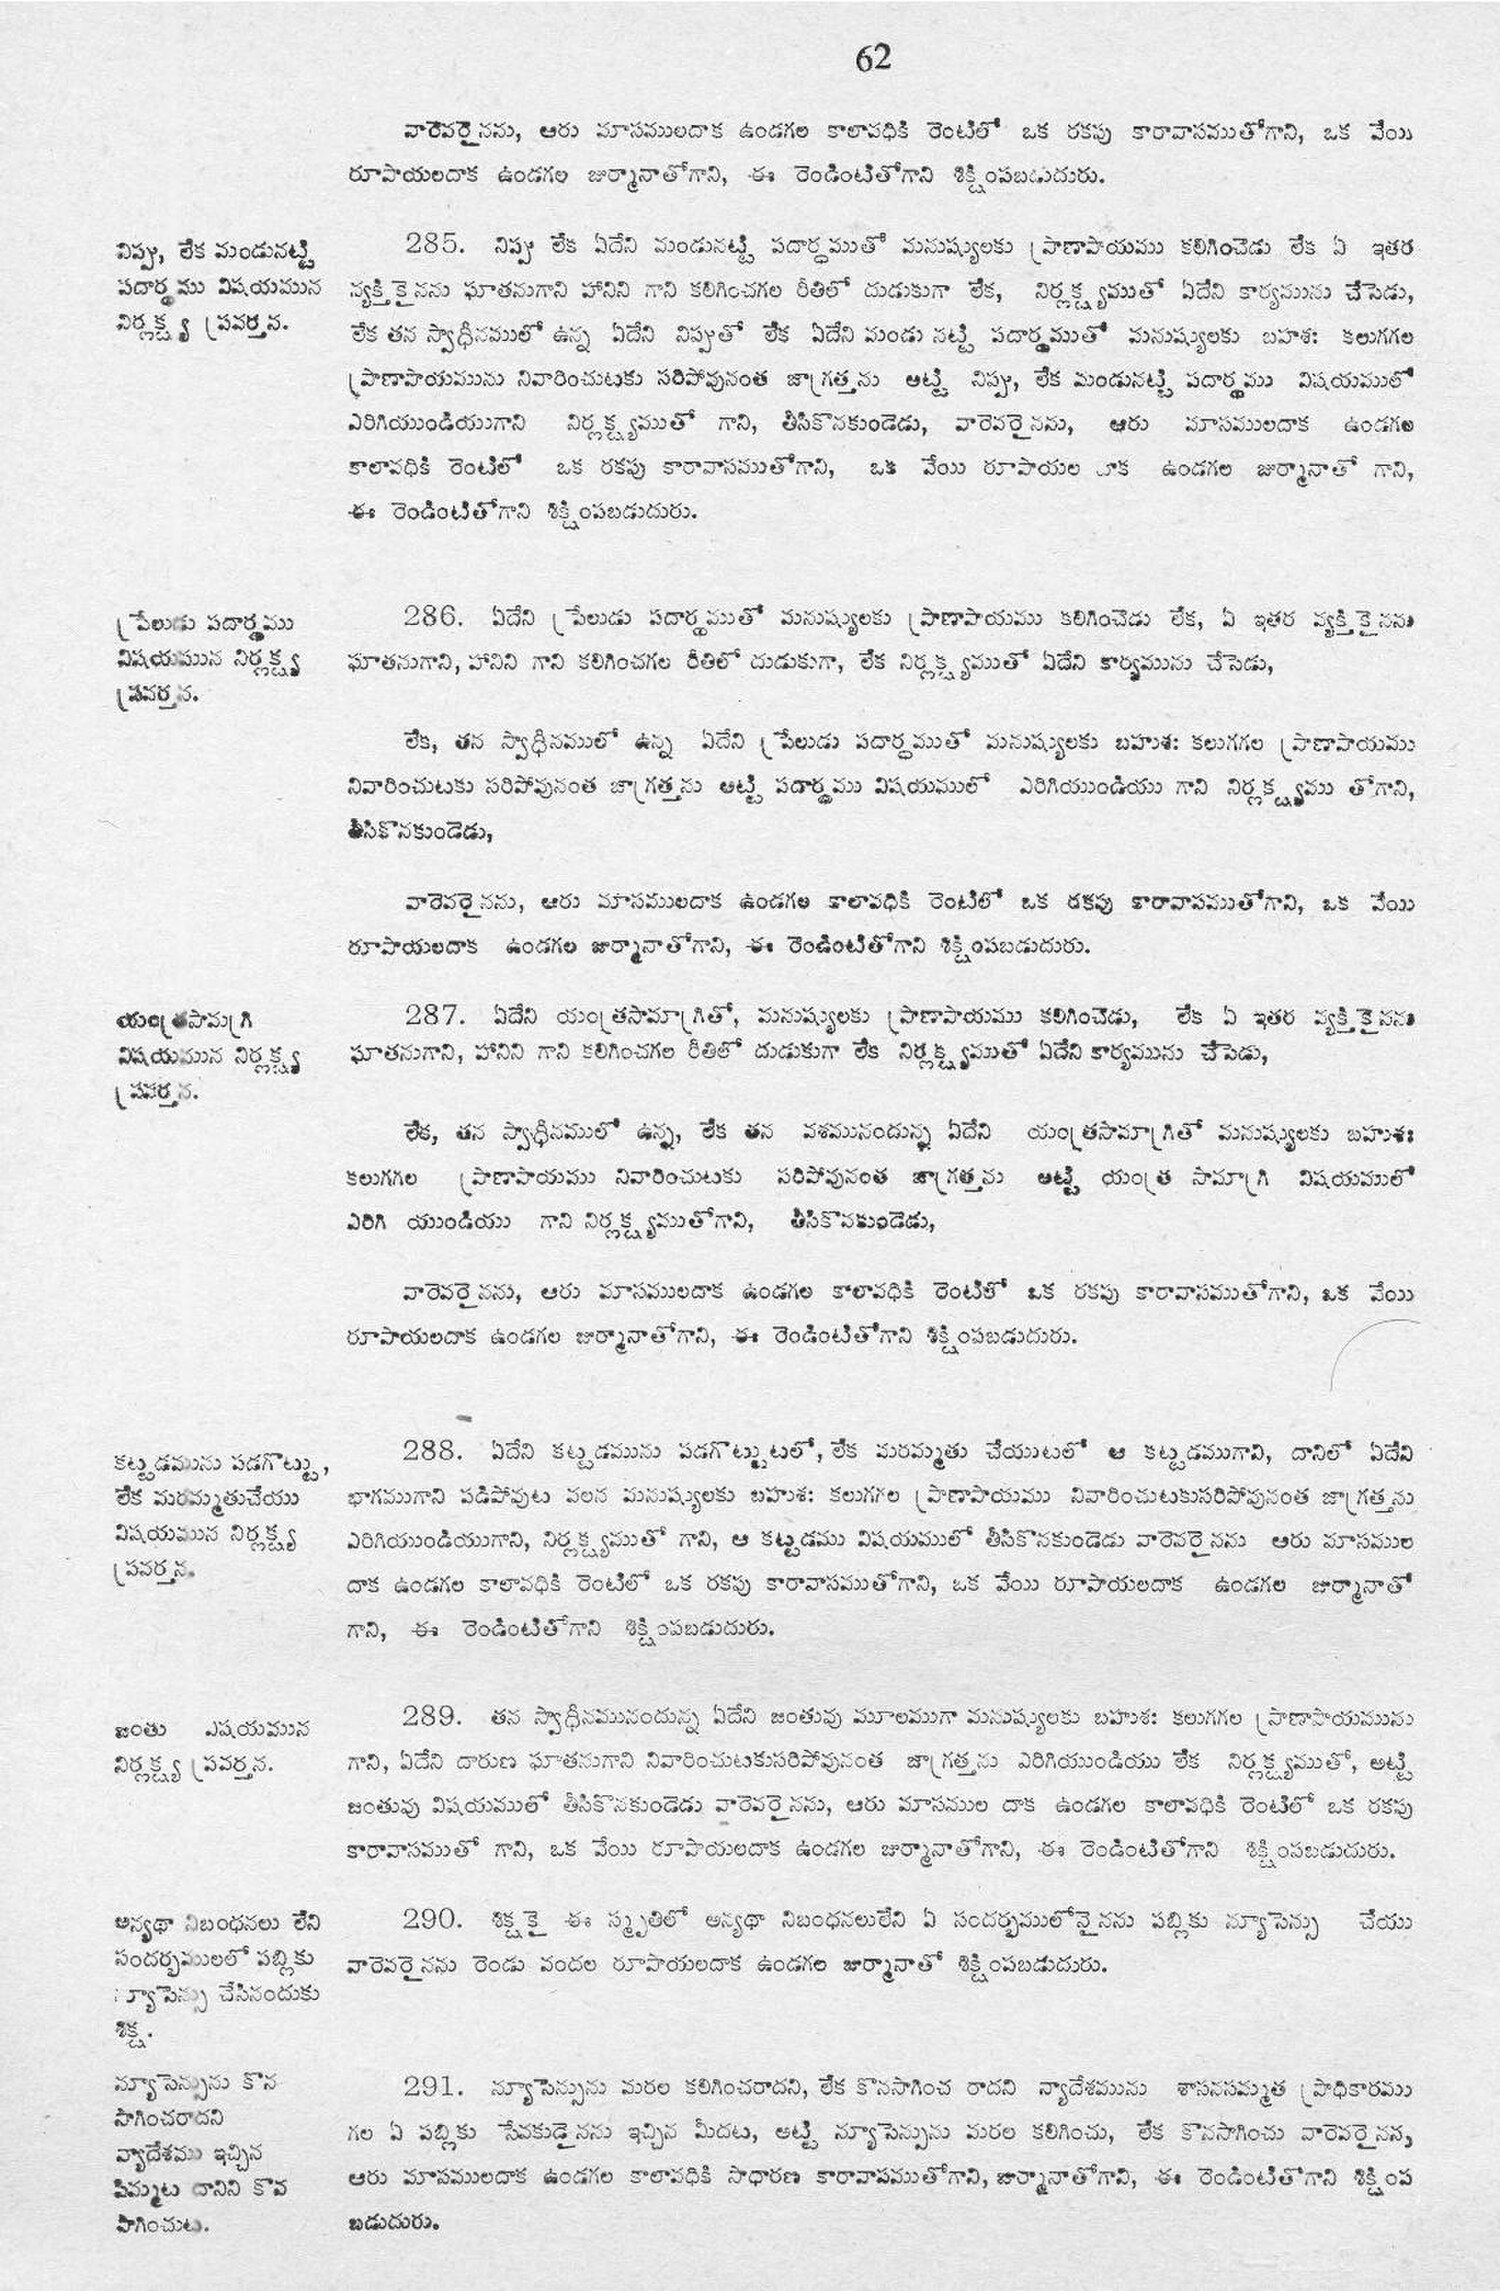వారెవరైనను ఆరు మాసములదాక ఉండగల కాలావధికి రెంటిలో ఒక రకపు కారావాసముతో గాని, ఒక వేయి రూపాయలదాక ఉండగల జుర్మానాతోగాని, ఈ రెండింటితోగాని శిక్షింపబదుదురు.

నిప్పు, లేక మండునట్టి పదార్థము విషయమున నిర్లక్ష్య ప్రవర్తన.

285. నిప్పు లేక ఏదేని మండునట్టి పదార్ధముతో మనుష్యులకు ప్రాణాపాయము కలిగించెడు లేక ఏ ఇతర వ్యక్తి కైనను ఘాతనుగాని హానిని గాని కలిగించగల రీతిలో దుడుకుగా లేక, నిర్లక్ష్యముతో ఏదేని కార్యమును చేసెడు, లేక తన స్వాధీనములో ఉన్న ఏదేని నిప్పుతో లేక ఏదేని మండు నట్టి పదార్థముతో మనుష్యులకు బహశః కలుగగల ప్రాణాపాయమును నివారించుటకు సరిపోవునంత జాగ్రత్తను ఆట్టి నిప్పు, లేక మండునటి పదార్థము విషయములో ఎరిగియుండియుగాని నిర్లక్ష్యముతో గాని, తీసికొనకుండెడు, వారెవరైనను, ఆరు మాసములదాక ఉండగల
కాలావధికి రెంటిలో ఒక రకపు కారావాసముతోగాని, ఒక వేయి రూపాయల దాక ఉండగల జుర్మానాతో గాని, ఈ రెండింటితోగాని శిక్షింపబడుదురు.

ప్రేలుడు పదార్థము విషయమున నిర్లక్ష్య ప్రవర్తన.

286. ఏదేని ప్రేలుడు పదార్థముతో మసుష్యులకు ప్రాణాపాయము కలిగించెడు. లేక, ఏ ఇతర వ్యక్తి కైనను ఘాతనుగాని, హానిని గాని కలిగించగల రీతిలో దుడుకుగా, లేక నిర్లక్ష్యముతో ఏదేని కార్యమును చేసెడు,

లేక, తన స్వాధీనములో ఉన్న ఏదేని ప్రేలుడు పదార్ధముతో మనుష్యులకు బహుశ: కలుగగల ప్రాణాపాయము నివారించుటకు సరిపోవునంత జాగ్రత్తను అట్టి పదార్థము విషయములో ఎరిగియుండియు గాని నిర్లక్యము తో గాని, తీసికొనకుండెడు,

వారెవరైనను, ఆరు మాసములదాక ఉండగల కాలావధికి రెంటిలో ఒక రకపు కారావాసముతోగాని, ఒక వేయి రూపాయలదాక ఉండగల జూర్మానాతోగాని, ఈ రెండింటితోగాని శిక్షింపబడుదురు.

యంత్రసామగ్రి విషయమున నిర్లక్ష్య ప్రవర్తన,

287. ఏదేని యంత్రసామాగ్రితో, మనుష్యులకు ప్రాణాపాయము కలిగించెడు, లేక ఏ ఇతర వ్యక్తికైనను ఘాతనుగాని, హానిని గాని కలిగించగల రీతిలో దుడుకుగా లేక నిర్లక్ష్యముతో ఏదేని కార్యమును చేసెడు,

లేక, తన స్వాధీనములో ఉన్న, లేక తన వశమునందున్న ఏదేని యంత్రసామాగ్రితో మనుష్యులకు బహుశః కలుగగల ప్రాణాపాయము నివారించుటకు సరిపోవునంత జాగ్రత్తమ ఆట్టి యంత్ర సామాగ్రి విషయములో ఎరిగి యుండియు గాని నిర్లక్ష్యముతోగాని, తీసికొనకుండెడు,

వారెవరైనను, ఆరు మాసములదాక ఉండగల కాలావధికి రెంటిలో ఒక రకపు కారావాసముతోగాని, ఒక వేయి రూపాయలదాక ఉండగల జుర్మానాతో గాని, ఈ రెండింటితోగాని శిక్షింపబడుదురు.

కట్టడమును పడగొట్టు,లేక మరమ్మతుచేయు విషయమున నిర్లక్ష్యం ప్రవర్తన,

288. ఏదేని కట్టడమును పడగొట్టుటలో, లేక మరమ్మతు చేయుటలో ఆ కట్టడముగాని, దానిలో ఏదేని భాగముగాని పడిపోవుట వలన మనుష్యులకు బహుశ: కలుగగల ప్రాణాపాయము నివారించుటకు సరిపోవునంత జాగ్రత్తను ఎరిగియుండియుగాని, నిర్లక్ష్యముతో గాని, ఆ కట్టడము విషయములో తీసికొనకుండెడు వారెవరైనను ఆరు మాసముల దాక ఉండగల కాలావధికి రెంటిలో ఒక రకపు కారావాసముతోగాని, ఒక వేయి రూపాయలదాక ఉండగల జుర్మానాతో గాని, ఈ రెండింటితో గాని శిక్షింపబడుదురు,

జంతు వషయమున నిర్లక్ష్య ప్రవర్తన.

289. తన స్వాధీనమునందున్న ఏదేని జంతువు మూలముగా మనుష్యులకు బహుశః కలుగగల ప్రాణాపాయమును గాని, ఏదేని దారుణ ఘాతనుగాని నివారించుటకు సరిపోవునంత జాగ్రత్తను ఎరిగియుండియు లేక నిర్లక్ష్యముతో, అట్టి జంతువు విషయములో తీసికొనకుండెడు వారెవరైనను, ఆరు మాసముల దాక ఉండగల కాలావధికి రెంటిలో ఒక రకపు కారావాసముతో గాని, ఒక వేయి రూపాయలదాక ఉండగల జుర్మానాతోగాని, ఈ రెండింటితోగాని శిక్షింపబడుదురు.

అన్యథా నిబంధనలు లేని సందర్భములలో పబ్లికు న్యూ సెన్సు చేసినందుకు శిక్ష

290. శిక్షకై ఈ స్మృతిలో అన్యథా నిబంధనలు లేని ఏ సందర్భములో నై నను పబ్లికు న్యూ సెన్సు చేయు వారెవరైనను రెండు వందల రూపాయలదాక ఉండగల జూర్మానాతో శిక్షింపబడుదురు.

న్యూ సెన్సును కొన సాగించరాదని వ్యాదేశము ఇచ్చిన పిమ్మట దానిని కొనసాగించుట.

291. న్యూ సెన్సును మరల కలిగించరాదని, లేక కొనసాగించ రాదని వ్యాదేశమును శాసనసమ్మత ప్రాధికారము గల ఏ పబ్లికు సేవకుడై నను ఇచ్చిన మీదట, అట్టి న్యూ సెన్సును మరల కలిగించు, లేక కొనసాగించు వారెవరైనను ఆరు మాసములదాక ఉండగల కాలావధికి సాధారణ కారావాపముతోగాని, జుర్మానాతోగాని, ఈ రెండింటితోగాని శిక్షింపబడుదురు.